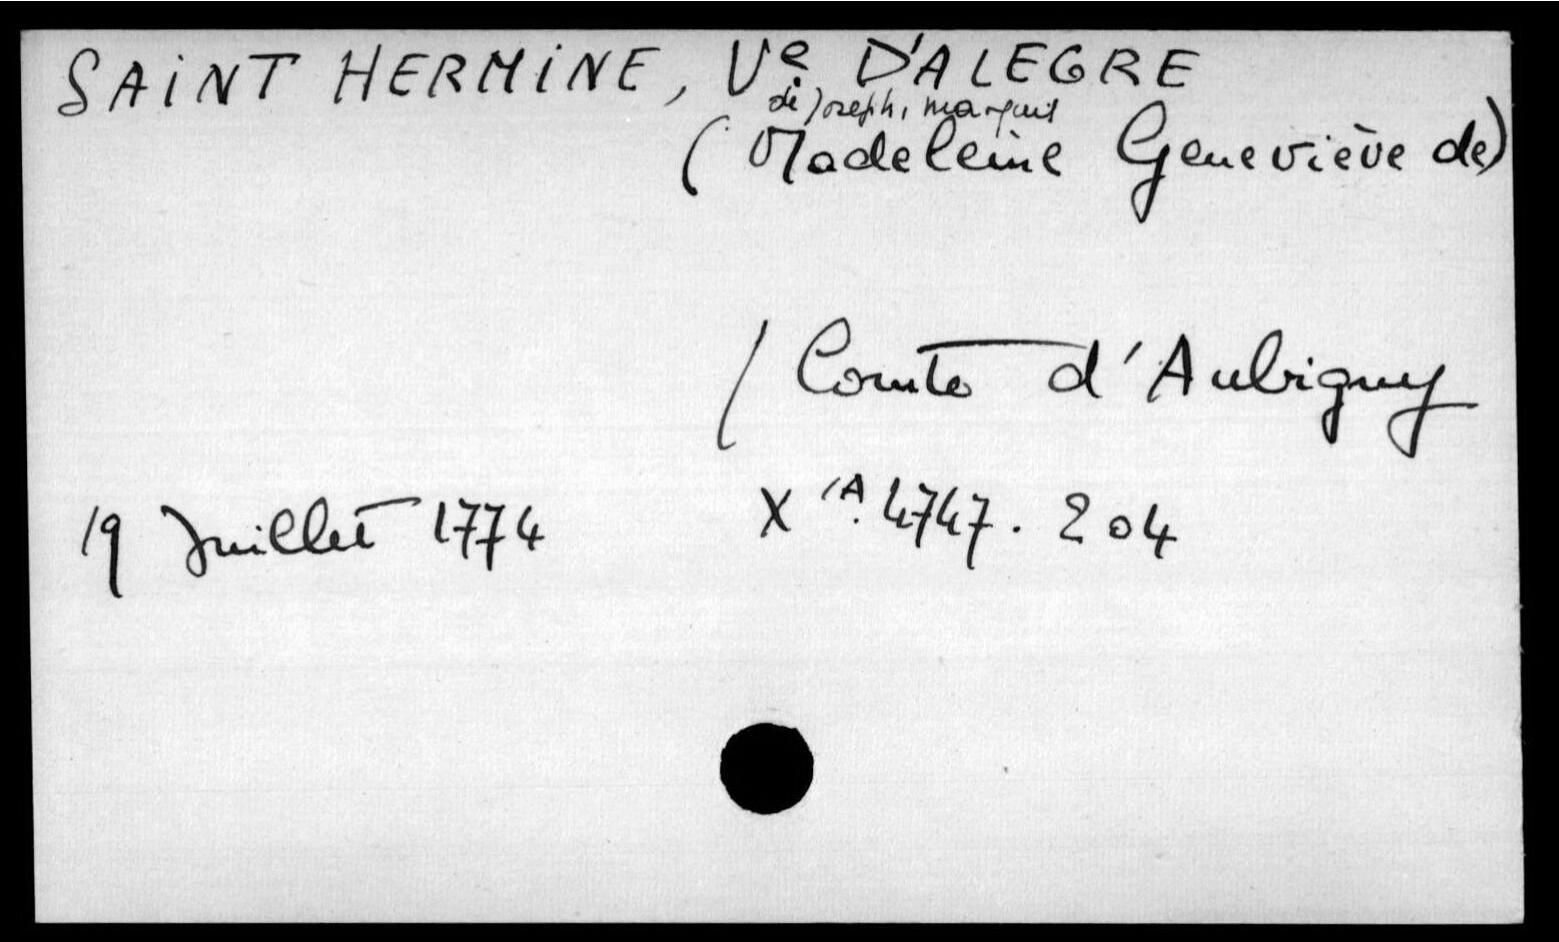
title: SAINT HERMINE, Veuve de Joseph, marquis D'ALEGRE (Madeleine Geneviève de)
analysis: Contre Comte d'Aubigny
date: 19 juillet 1774
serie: X1A
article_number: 4747
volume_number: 204
